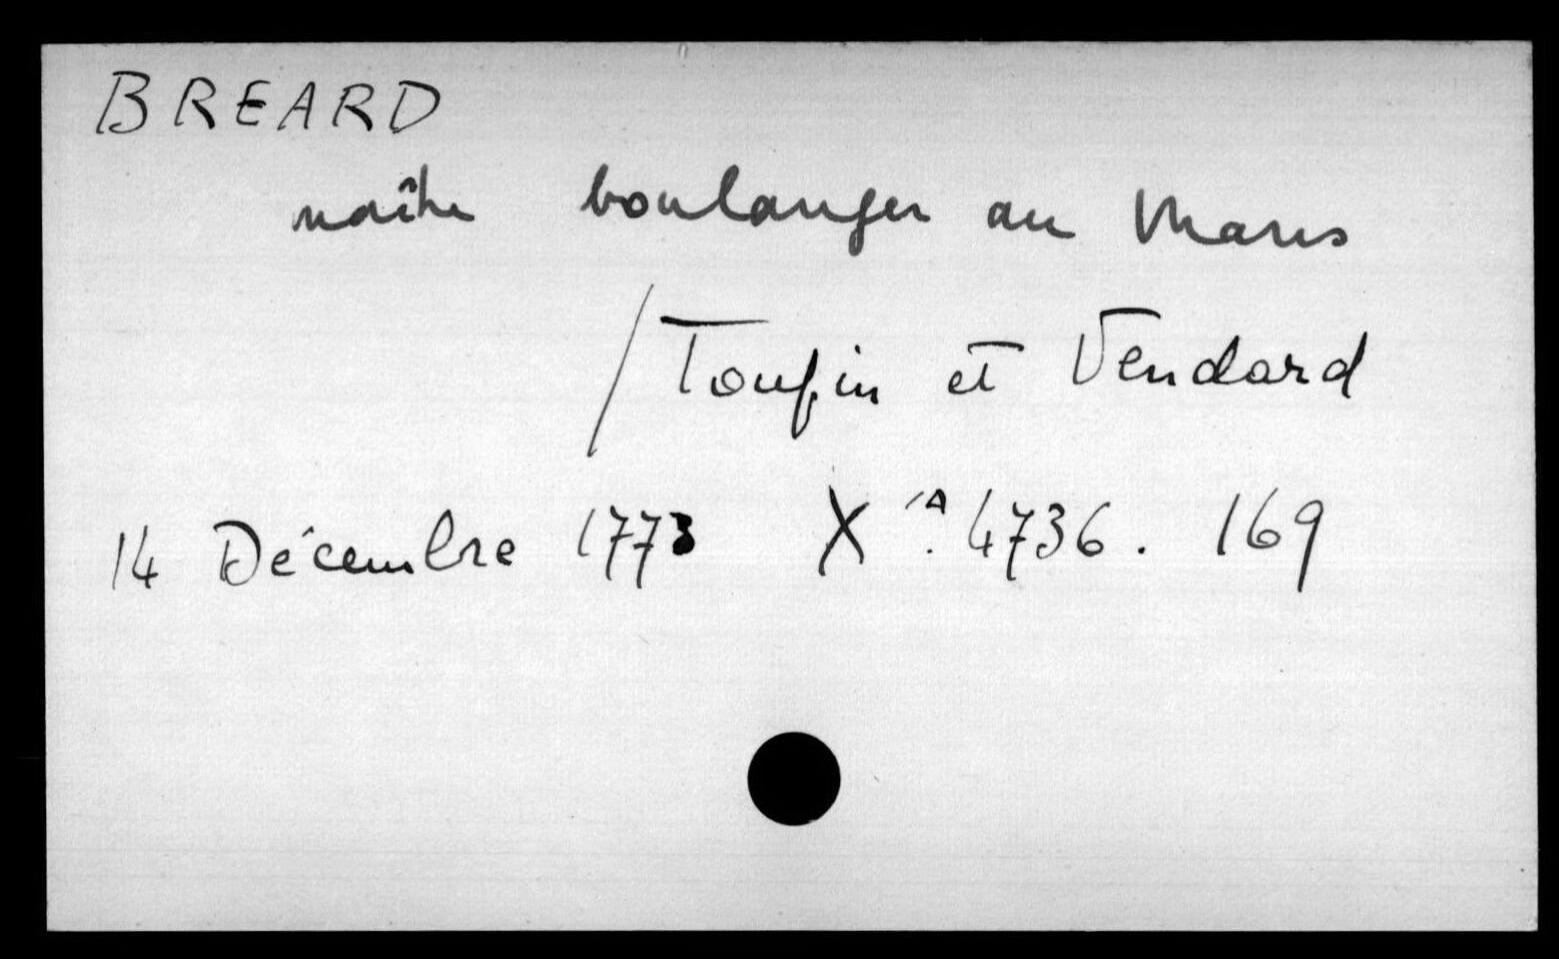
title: BREARD maître boulanger au Mans
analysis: Contre Toupin et Vendard
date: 14 décembre 1773
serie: X1A
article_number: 4736
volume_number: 169
